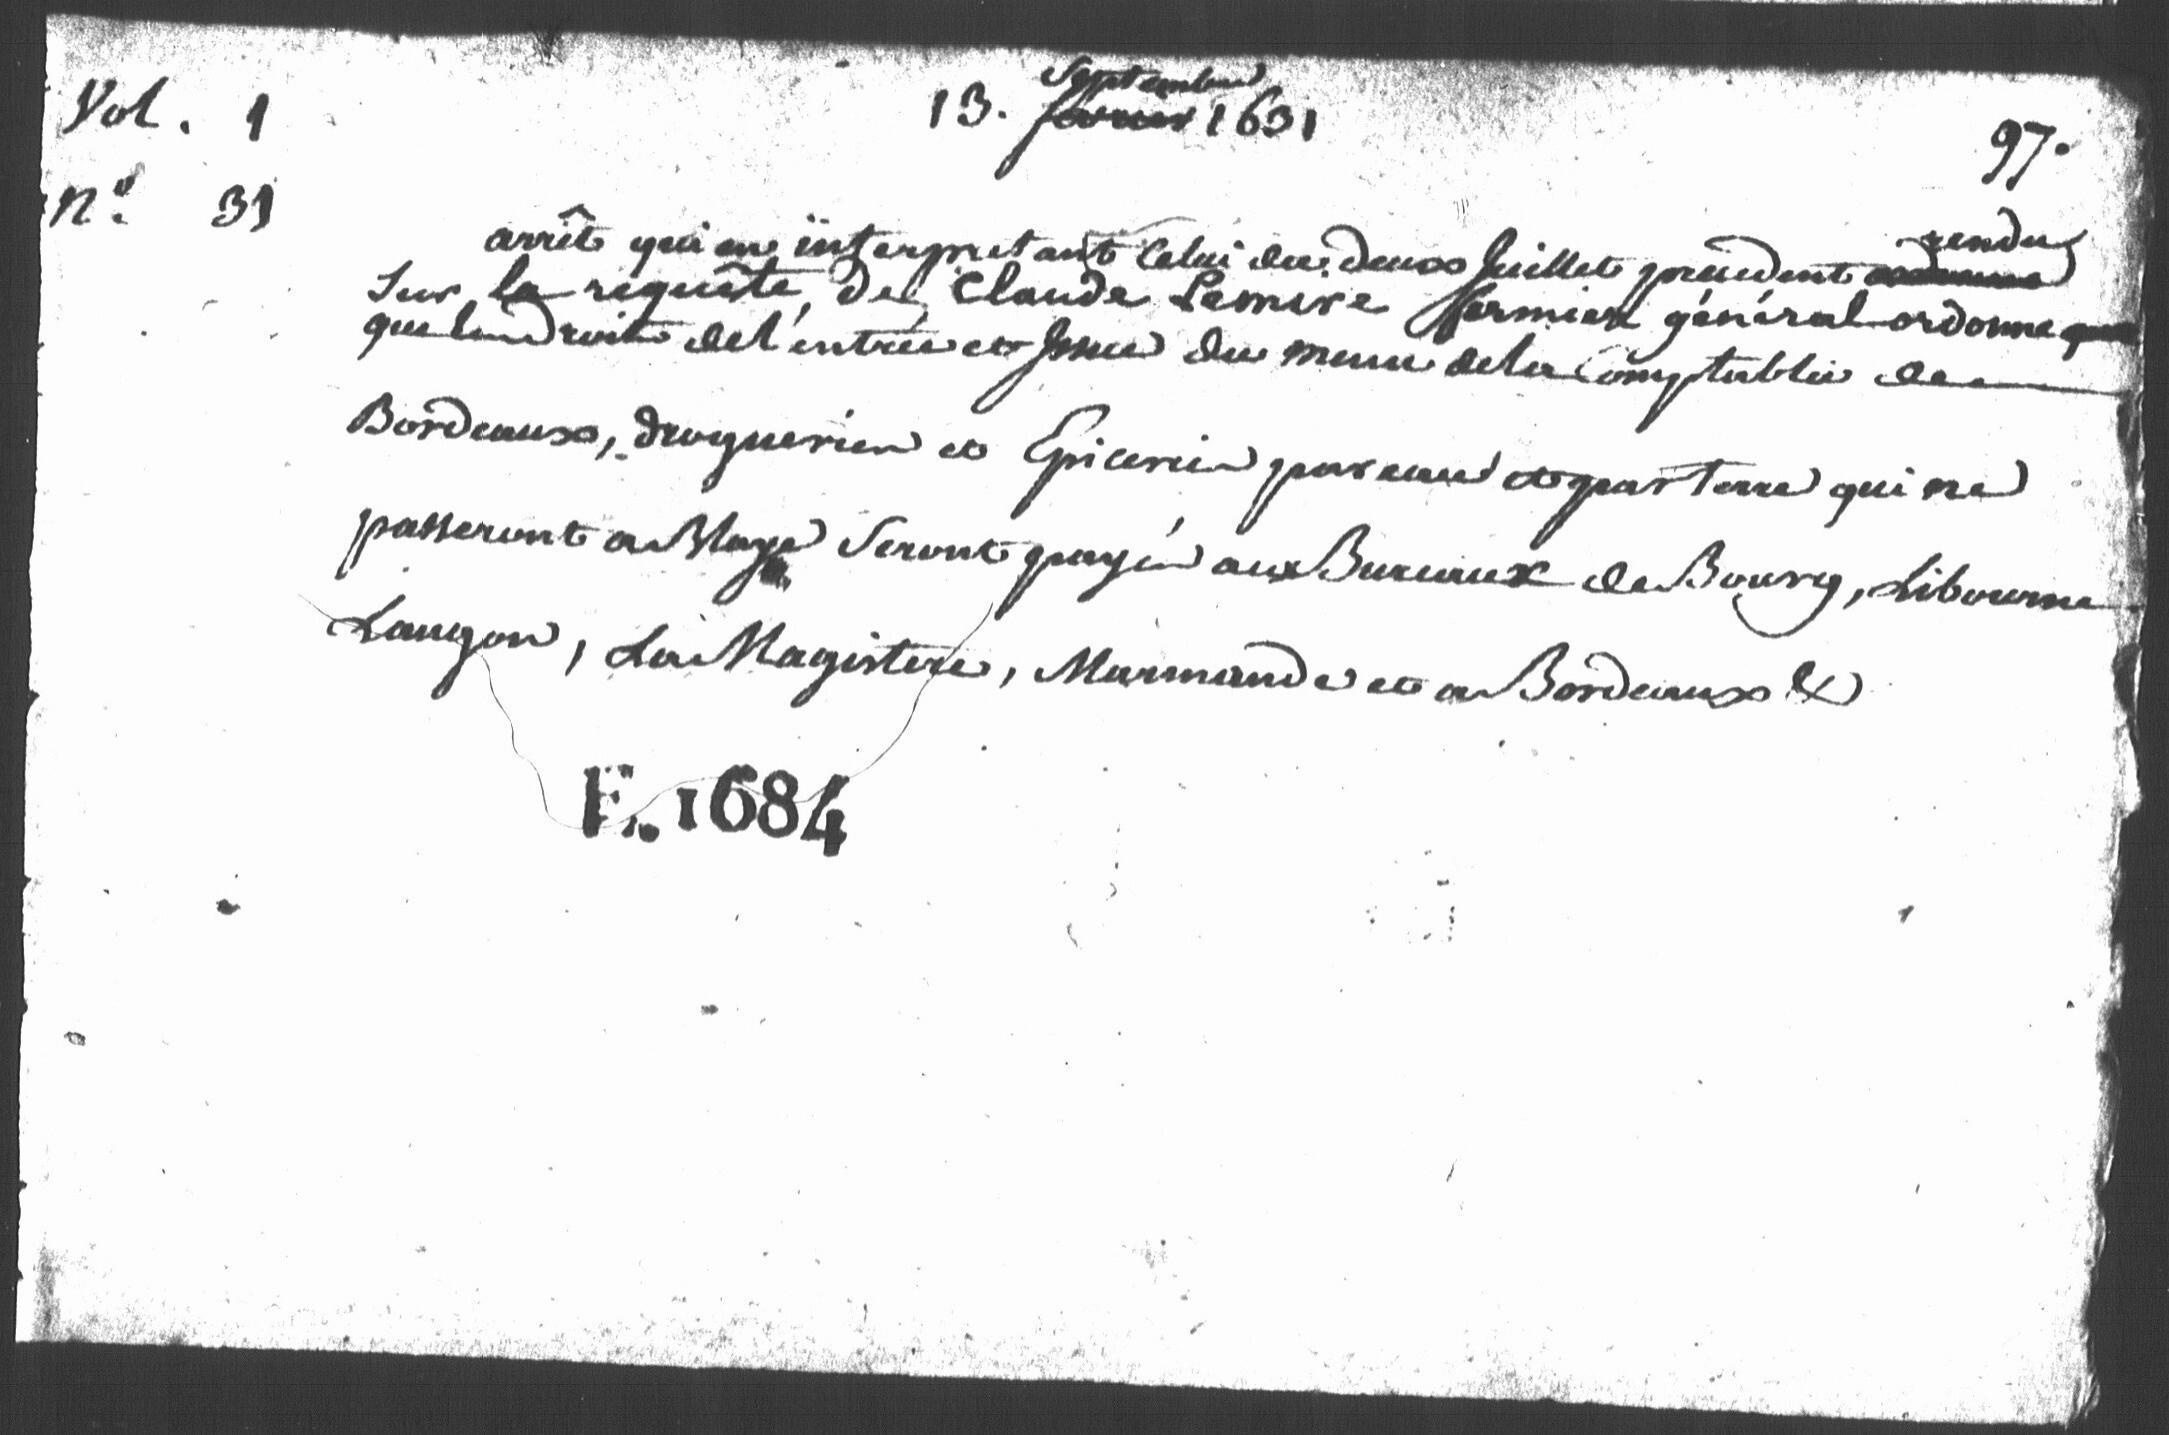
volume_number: n°31
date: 13 septembre 1631
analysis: [fevrier, barré] 97
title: arrêt qui en interpretant celui du deux juillet precedent rendu sur la requête de Claude Lemire fermier général ordonne que le droit de l'entrée et issue du menu de la comptablie de Bordeaux, drogueries et epiceries par eau et par terre qui ne passeront a Blaye seront payés aux bureaux de Bourg, Libourne , Langon, La Magistere, Marmande et a Bordeaux etc.
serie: E
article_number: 1684
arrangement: vol. 1
